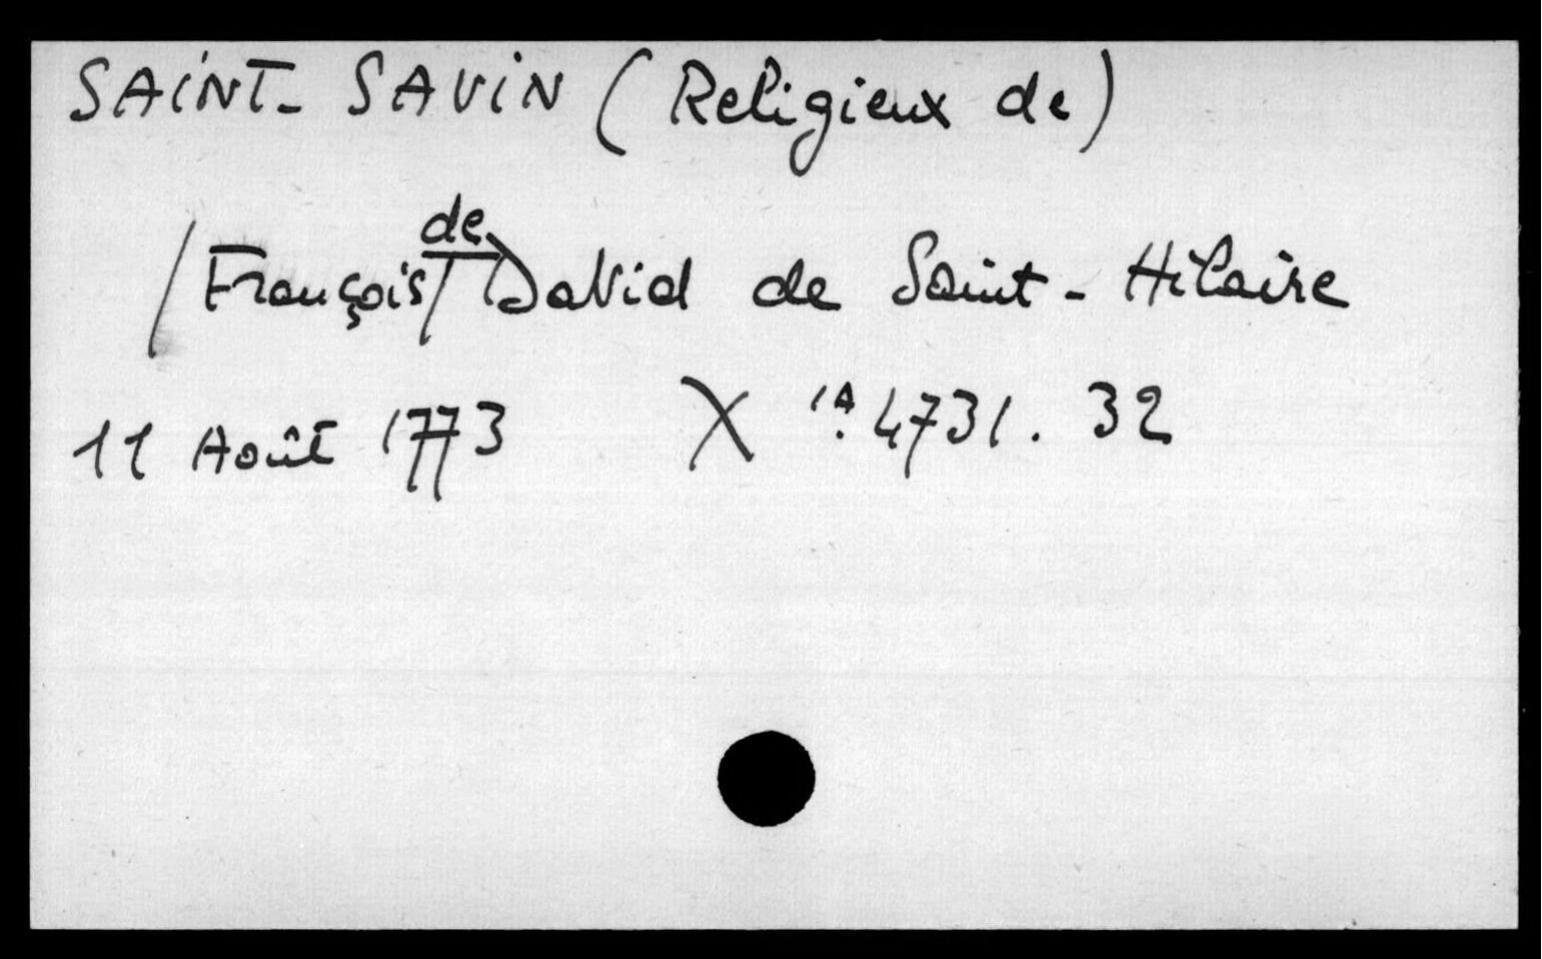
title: SAINT-SAVIN (Religieux de)
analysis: Contre François de David de Saint-Hilaire
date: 11 août 1773
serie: X1A
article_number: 4731
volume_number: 32
